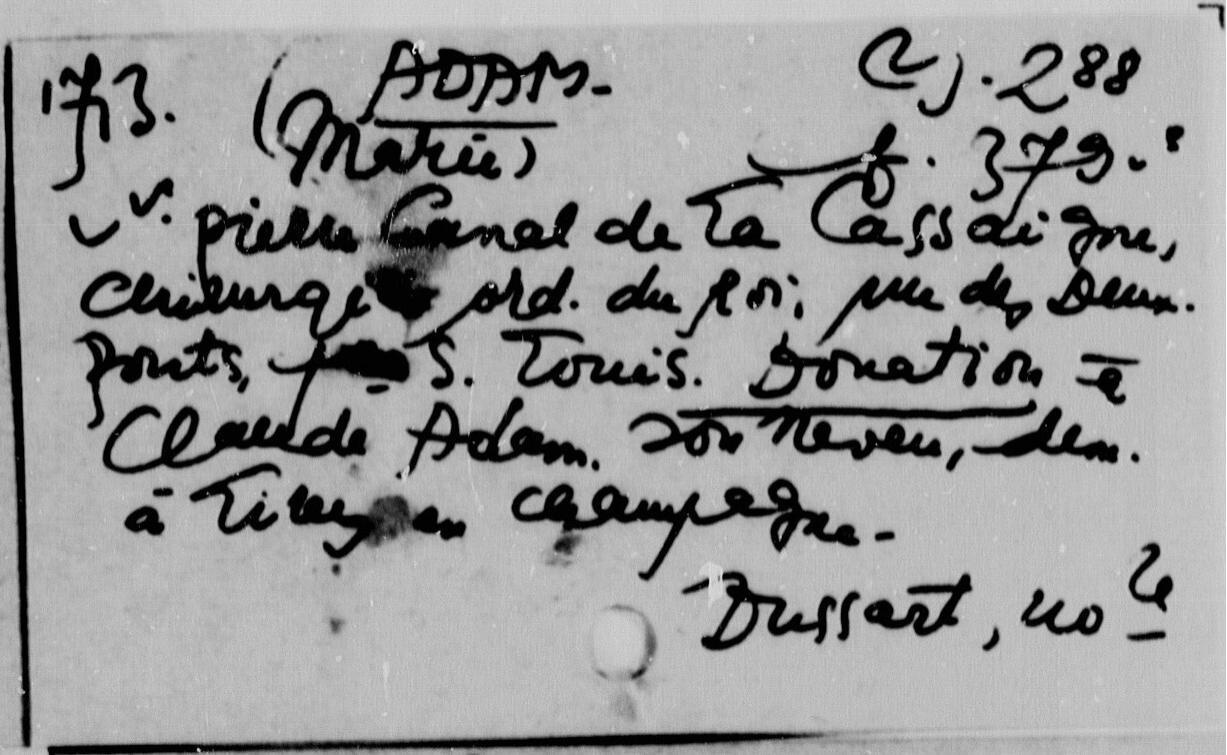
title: ADAM (Marie)
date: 1713
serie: Y
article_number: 288
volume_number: folio 379 verso
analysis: Veuve Pierre Canal? de La Cassaigne, chirurgien ordinaire du roi, rue des Deux-Ponts, paroisse Saint Louis Donation à Claude Adam, son neveu, demeurant à Limey en Champagne Dussart, notaire
